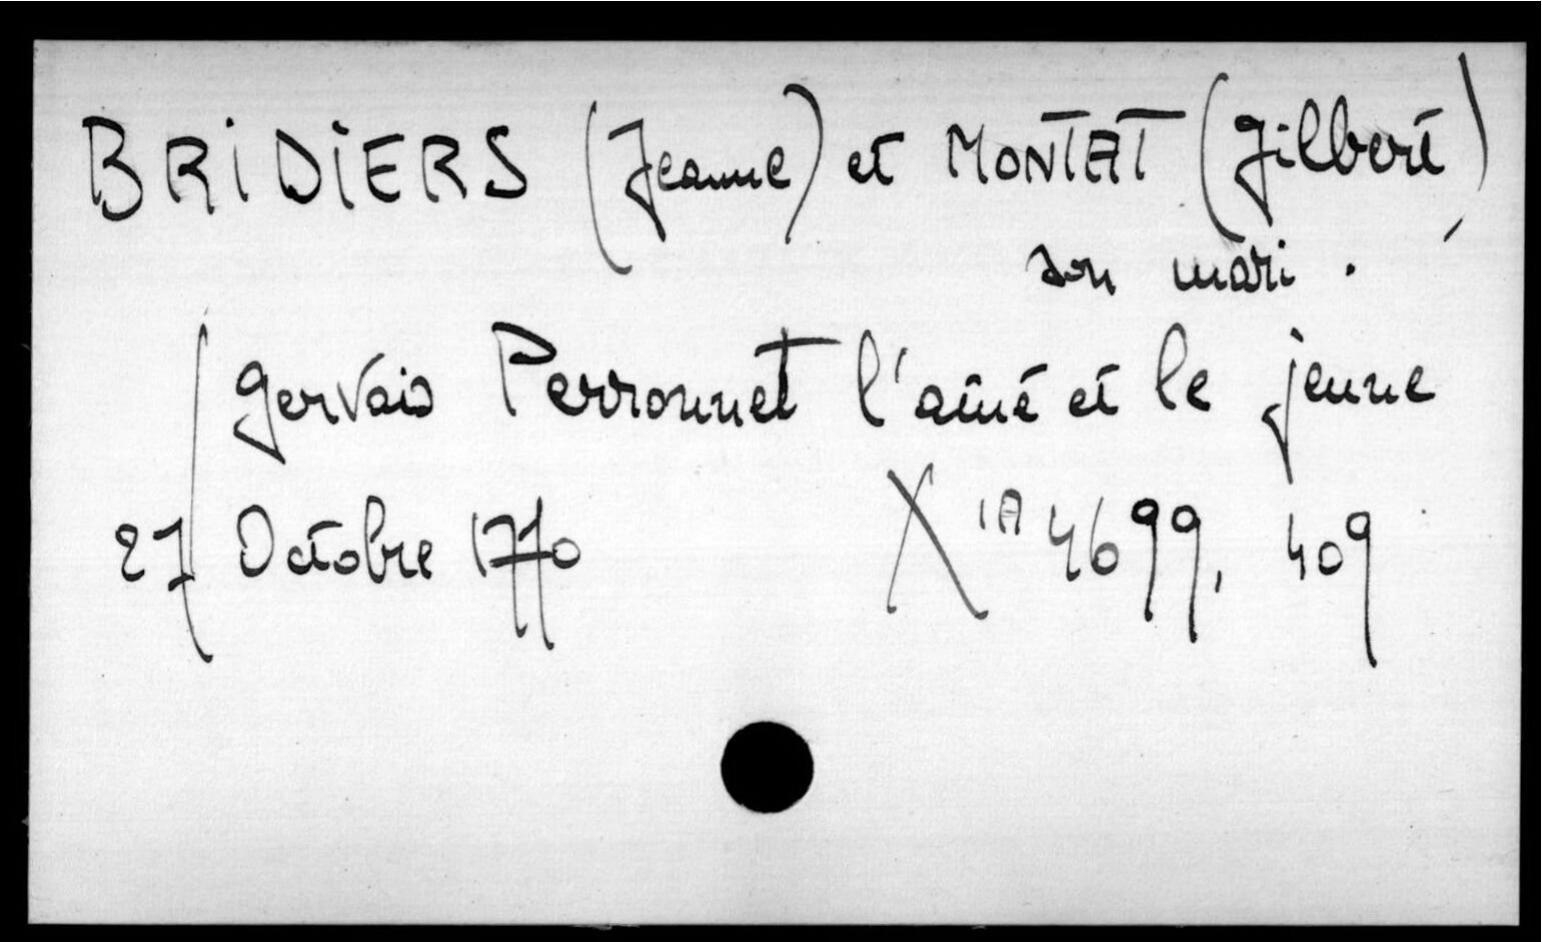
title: BRIDIERS (Jeanne) et MONTAT (Gilbert) son mari.
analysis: Contre Gervais Perronnet l'ainé et le jeune
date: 27 octobre 1770
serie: X1A
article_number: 4699
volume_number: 409
